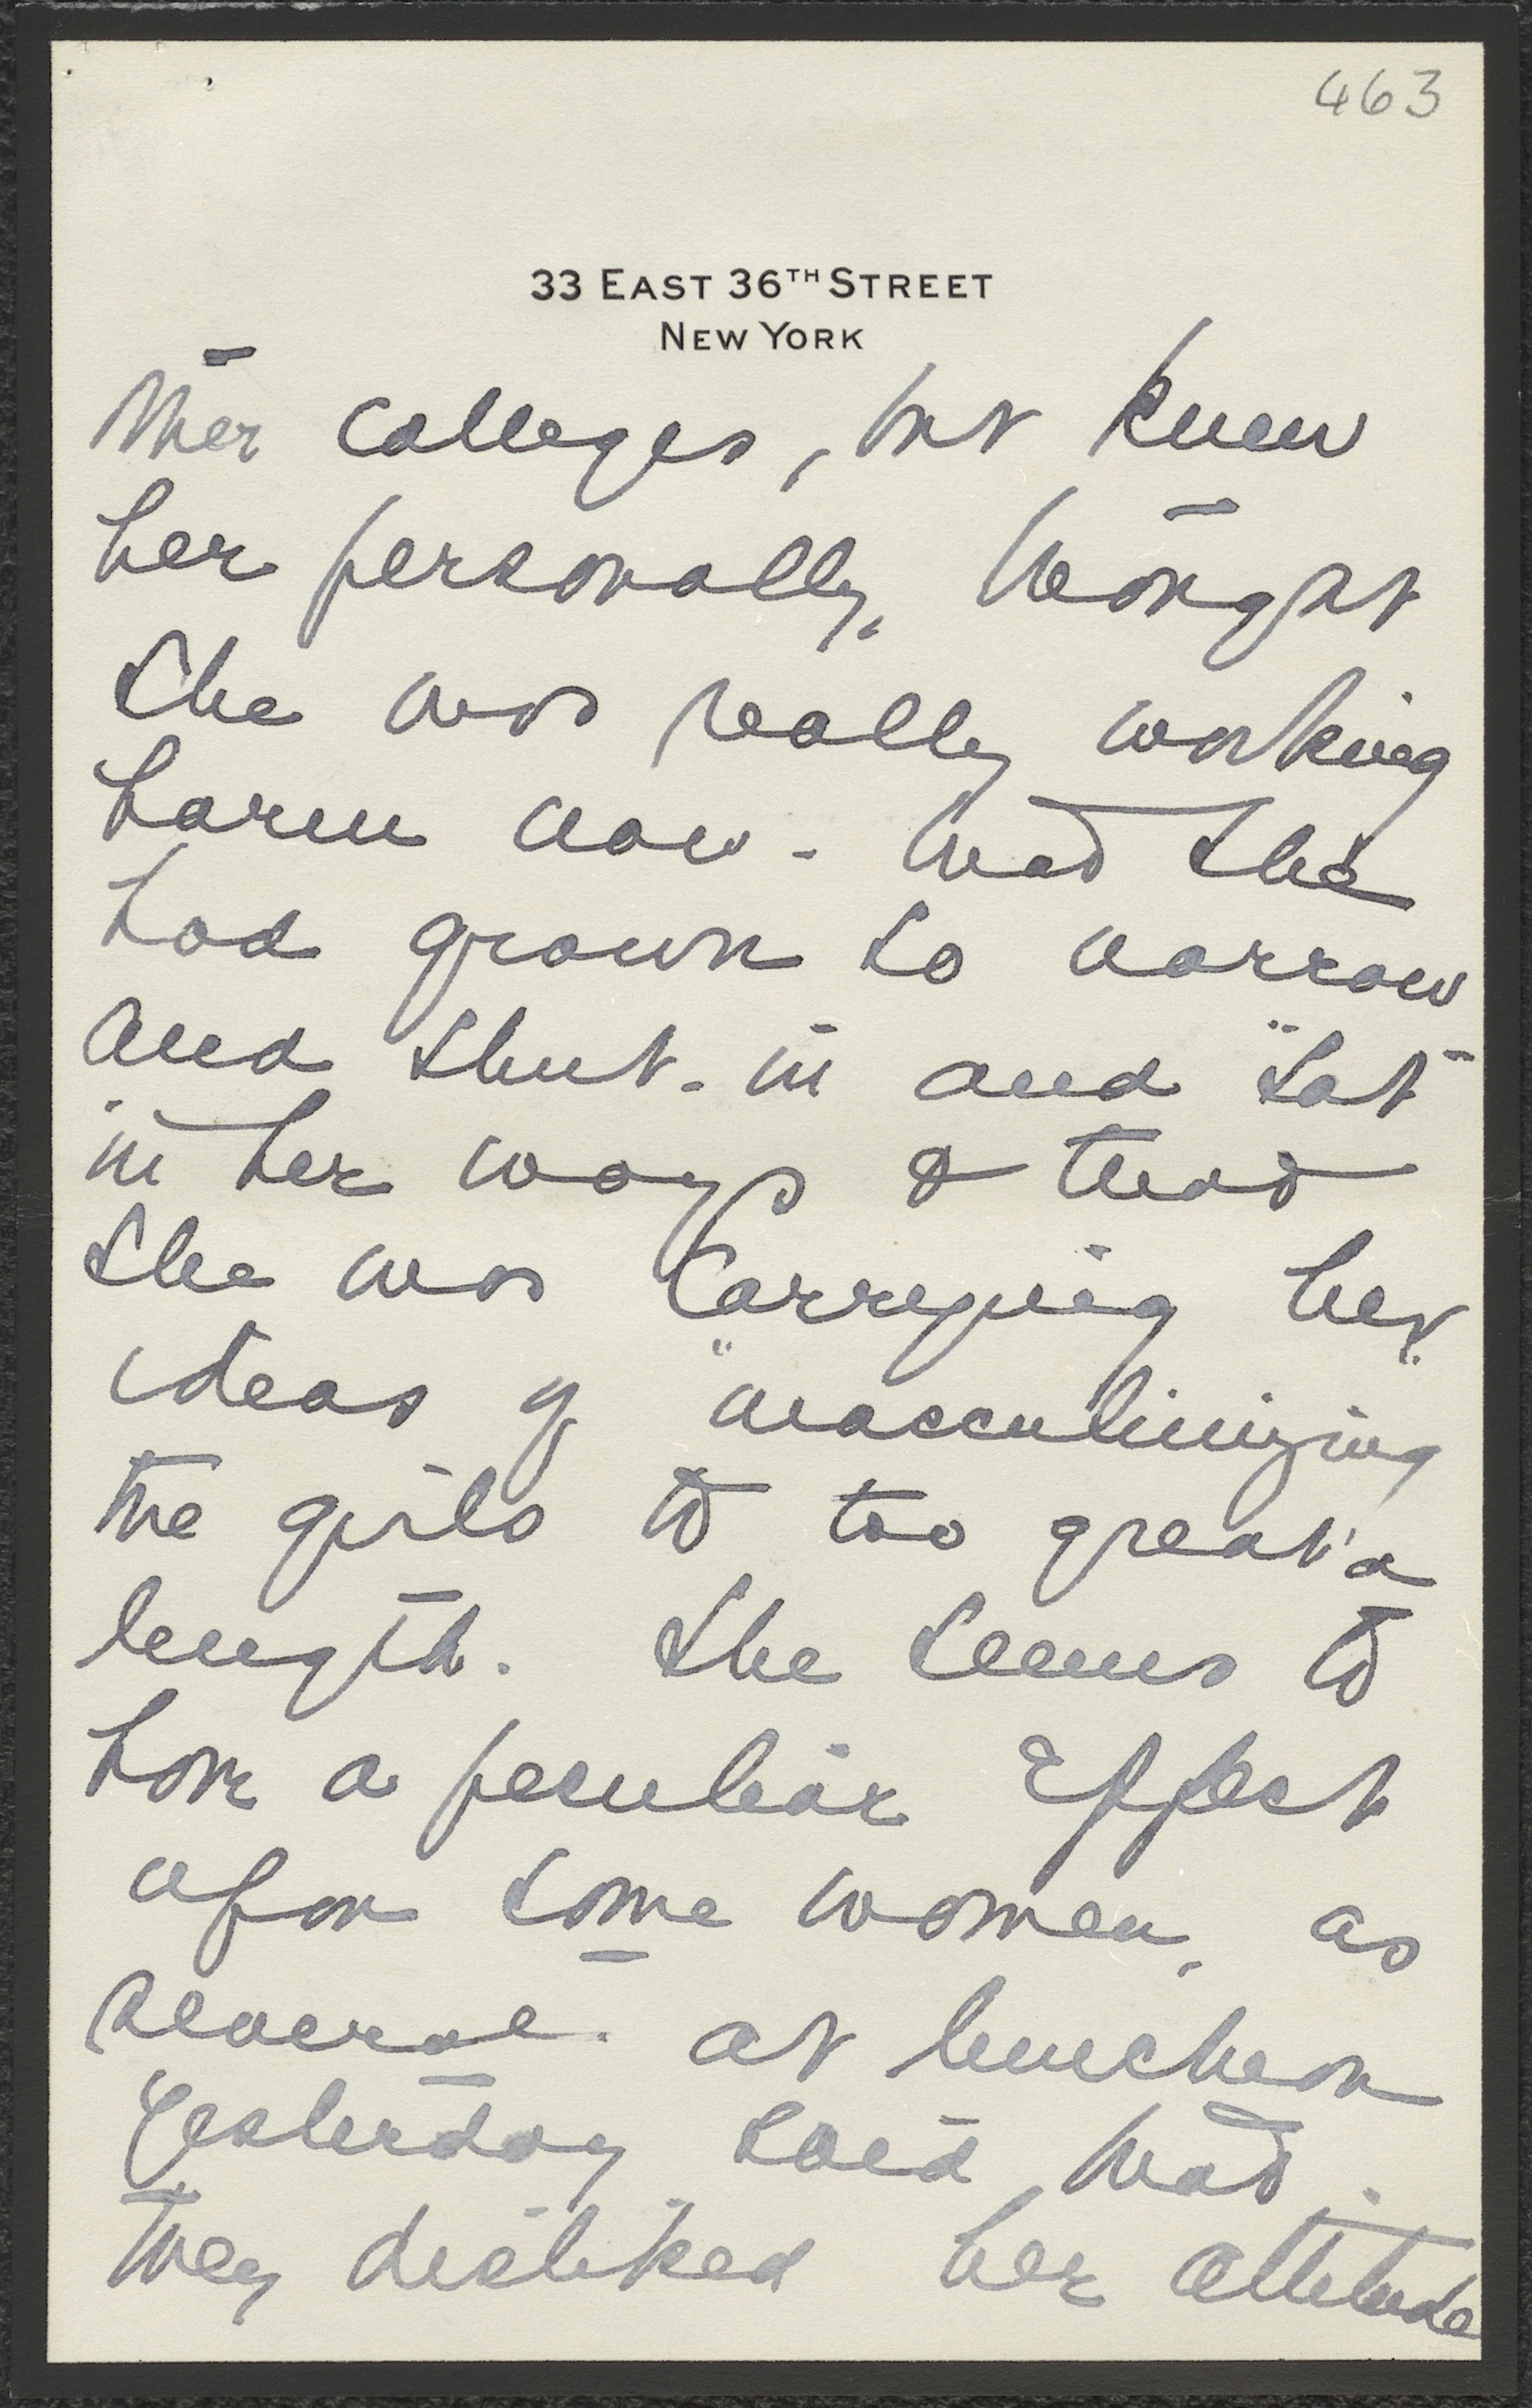other colleges, but knew her personally, thought she was really working harm now – that she had grown so narrow and shut-in and “sett” in her ways & thatshe was carrying her ideas of “masculinizing” the girls to too great a length. She seems to have a peculiar effect upon some women, as several at luncheon yesterday said that they disliked her attitude